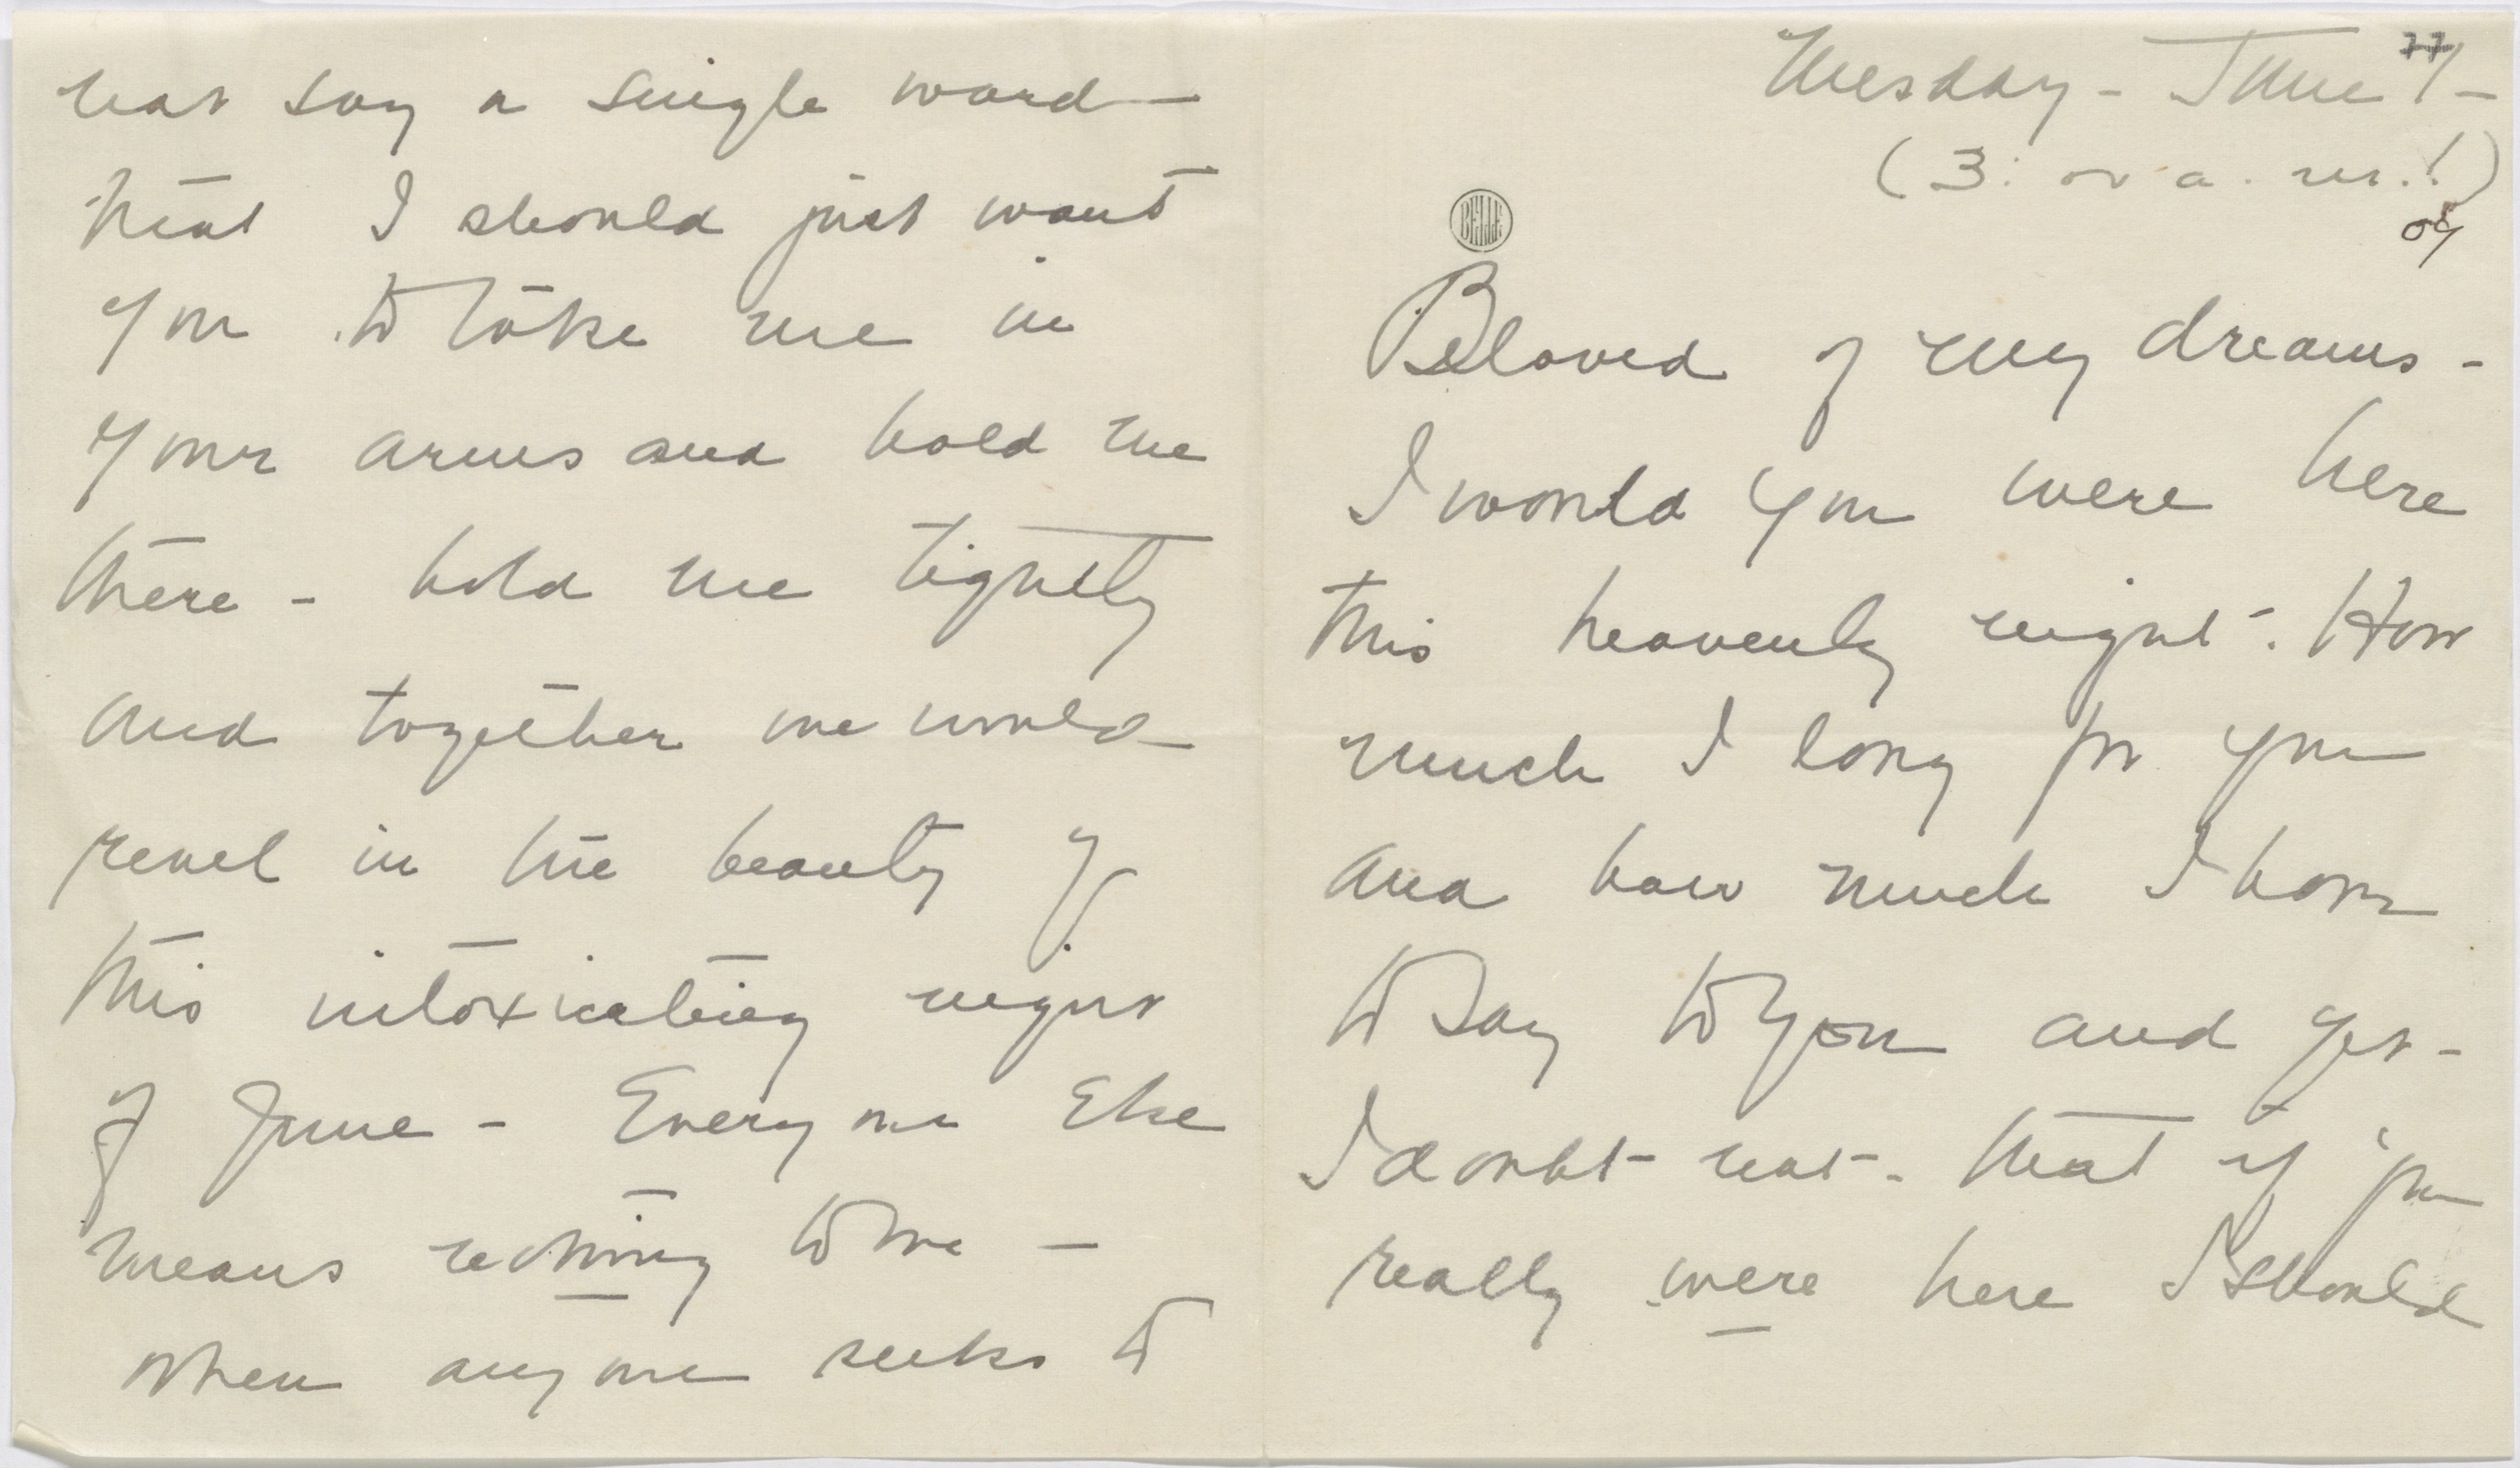Tuesday – June 1 –
(3:00 a.m.!)
Beloved of my dreams – I would you were here this heavenly night. How much I long for you and how much I have to say to you and yet – I doubt not, that if you really were here I should
not say a single word – that I should just want you to take me in your arms and hold me there – hold me tightly and together we would revel in the beauty of this intoxicating night of June – Every one else means nothing to me – when any one seeks to